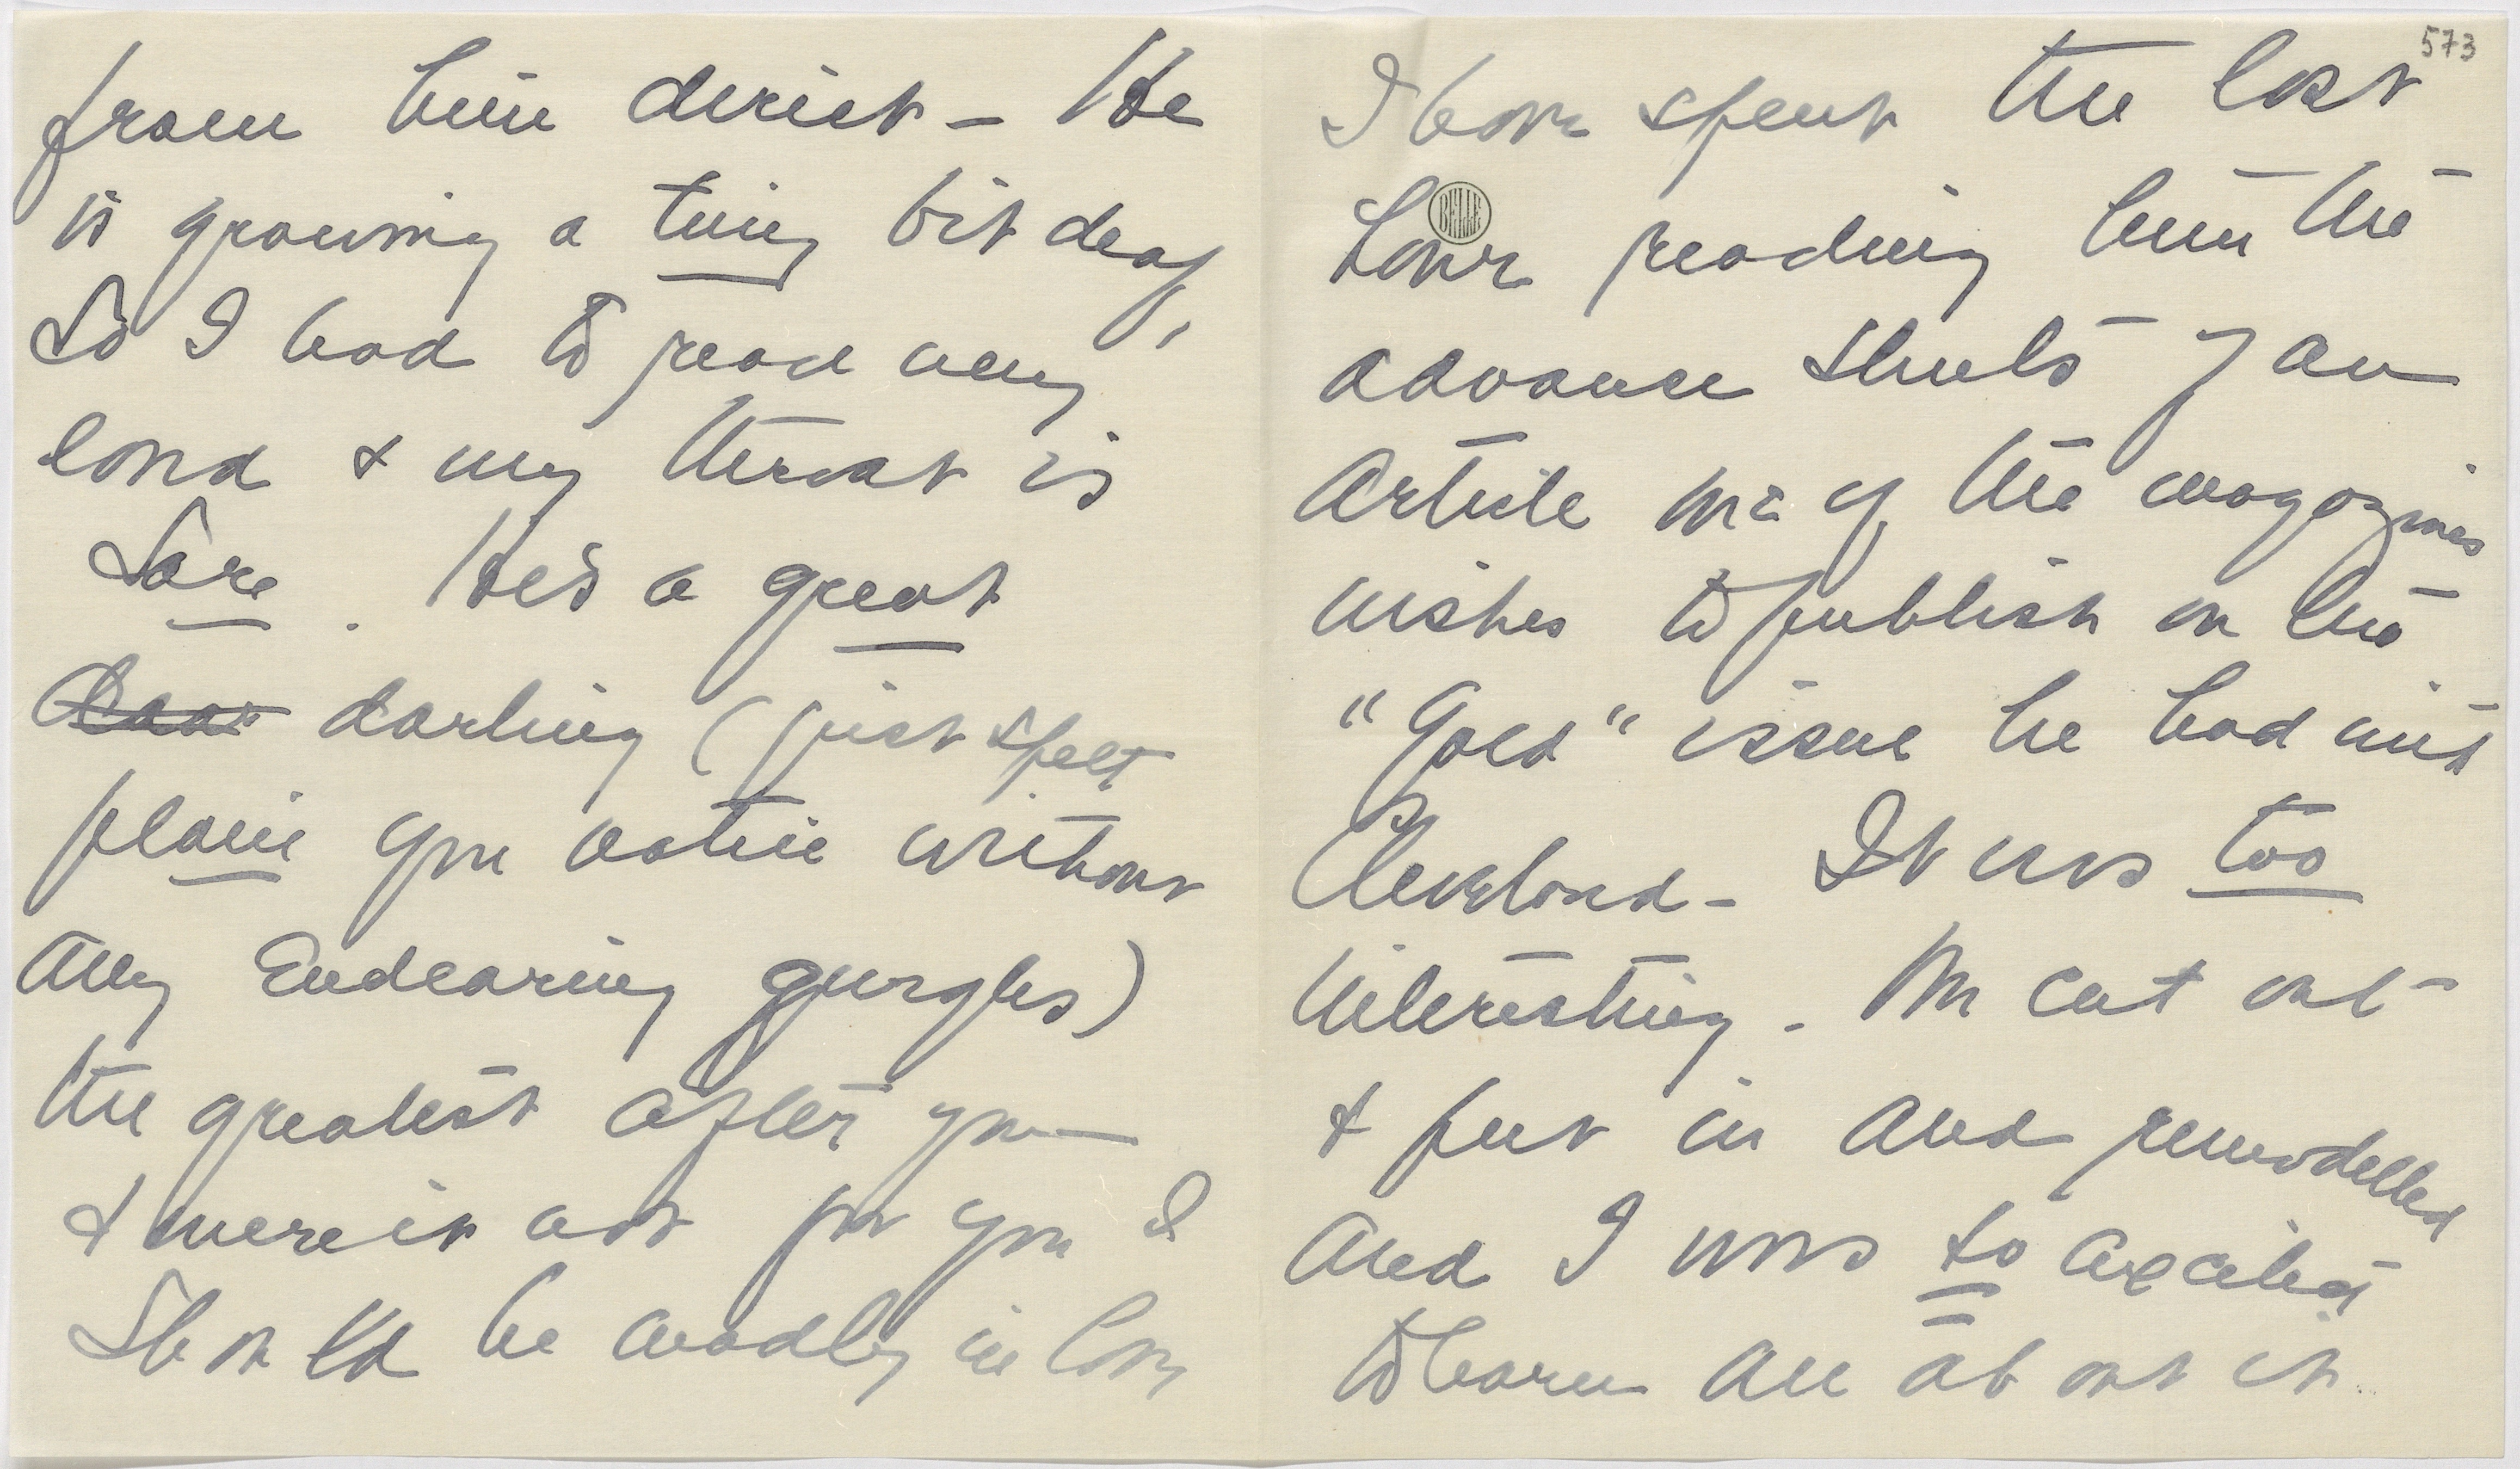I have spent the last hour reading him the advance sheets of an article one of the magazines wishes to publish on the “gold” issue he had with Cleveland – It was too interesting – We cut out & put in and remodelled and I was [double underlined: so] excited to learn all about it
from him direct – He is growing a tiny bit deaf, so I had to read very loud & my throat is sore. He’s a great daar darling (just spelt plain you notice without any endearing gurgles) the greatest after you – & were it not for you I should be madly in love